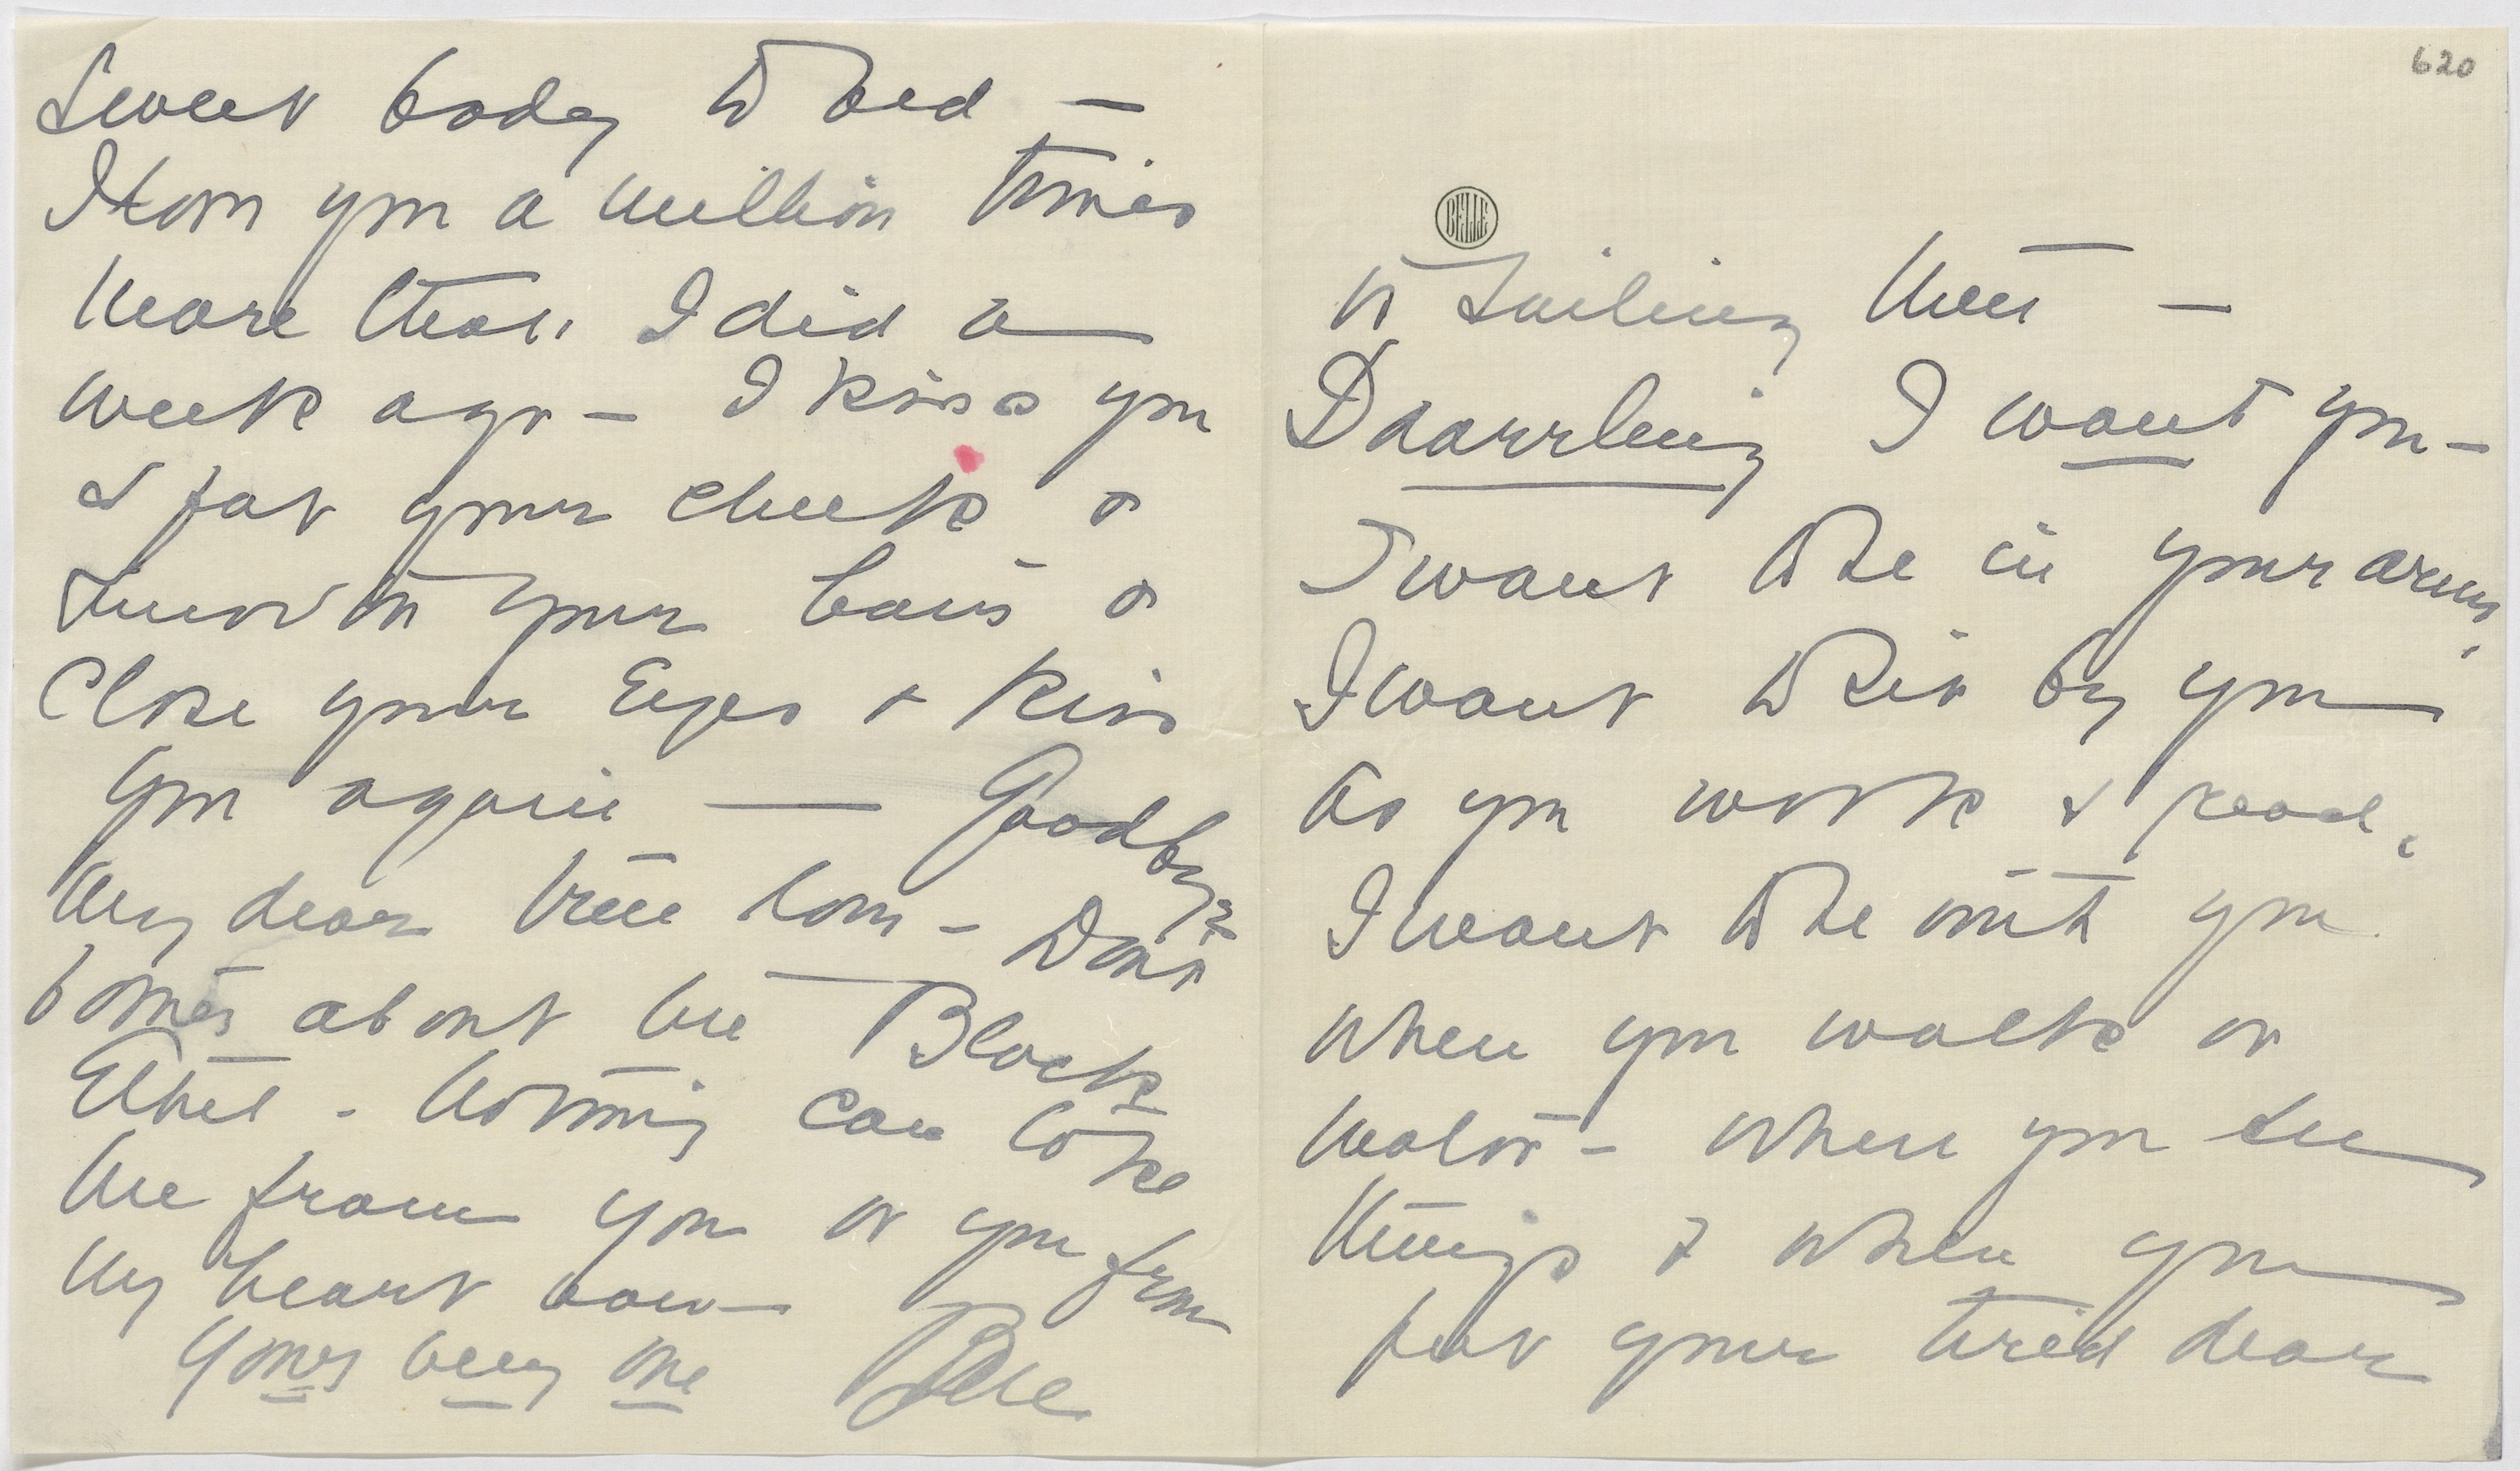is sailing then –
Daarrling I want you – I want to be in your arms, I want to sit by you as you work & read, I want to be with you when you walk or motor – when you see things & when you put your tired dear
sweet body to bed – I love you a million times more than I did a week ago – I kiss you & pat your cheek & [illegible] on your hairs & close your eyes & kiss you again – Goodbye my dear true love – Don’t bother about the Black Ethel. Nothing can take me from you or you from my heart now –
[double underlined: Your] very one Belle